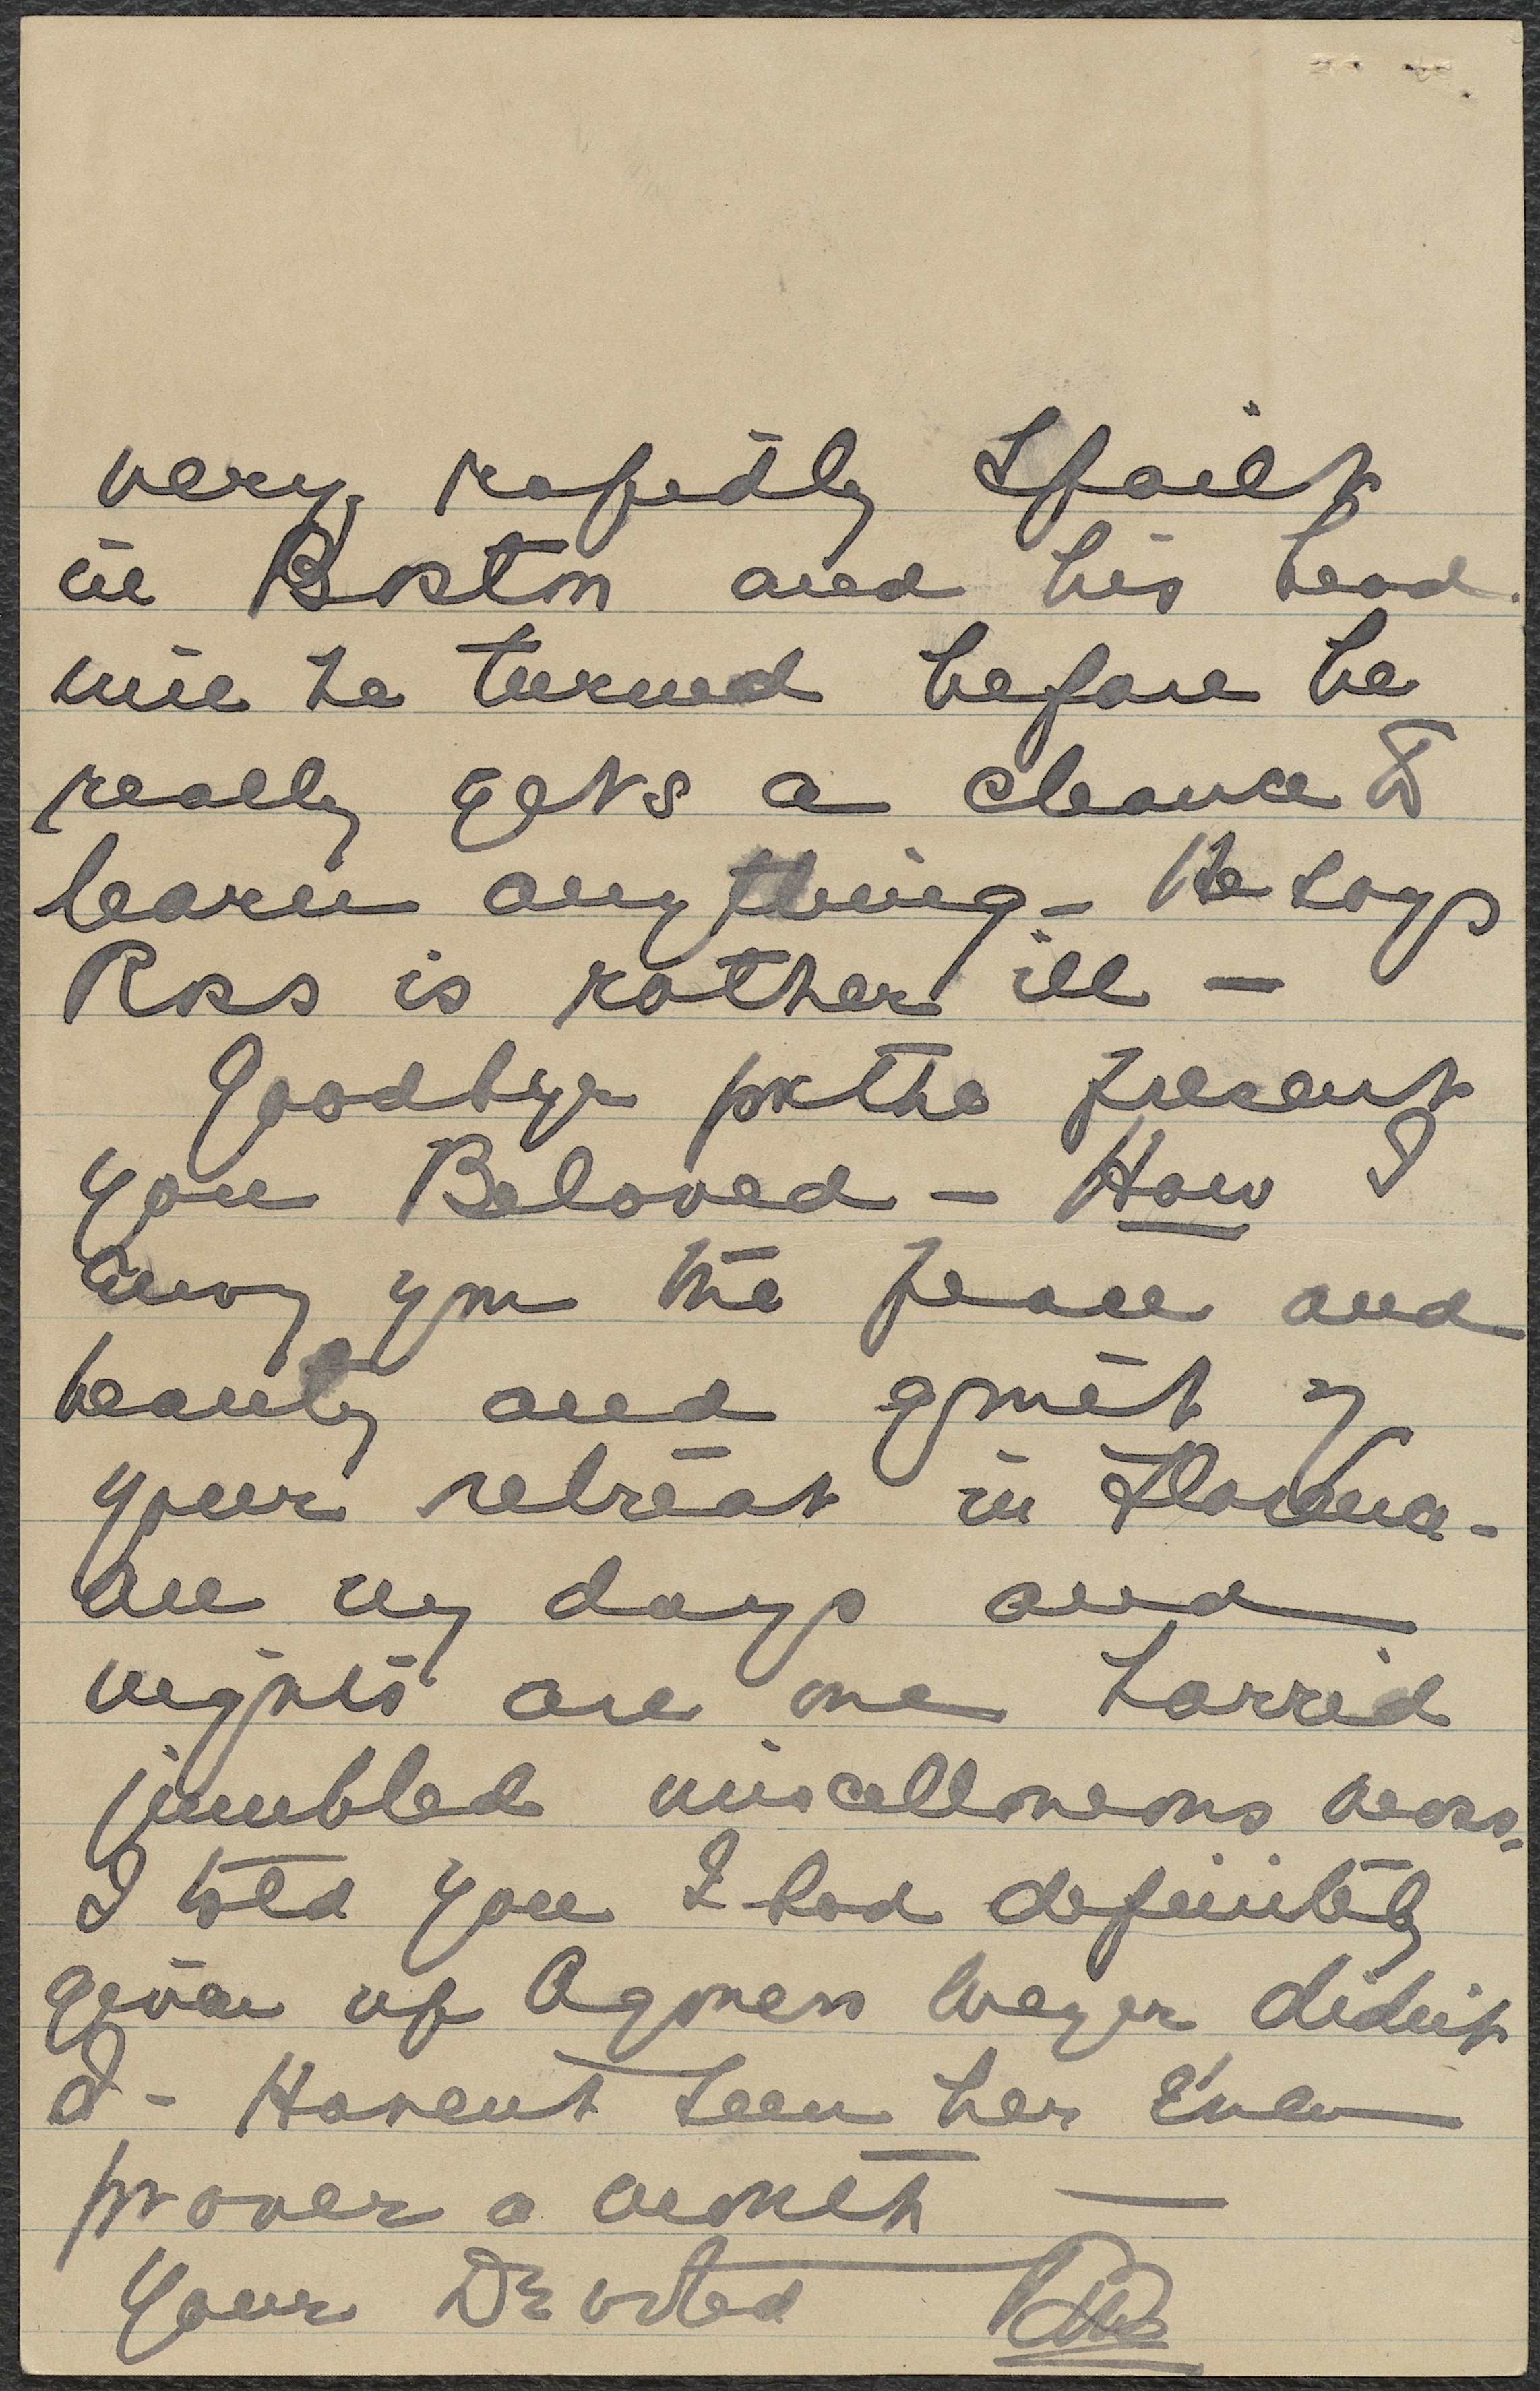very rapidly spoilt in Boston and his head will be turned before he really gets a chance to learn anything – He says Ross is rather ill –
Goodbye for the present you Beloved – How I envy you the place and beauty and quiet of your retreat in Florence – all my days and nights are one horrid jumbled miscellaneous mess, I told you I had definitely given up Agoness Meyer didn’t I – Haven’t seen her even for over a month –
Your Devoted [double underlined: Belle]